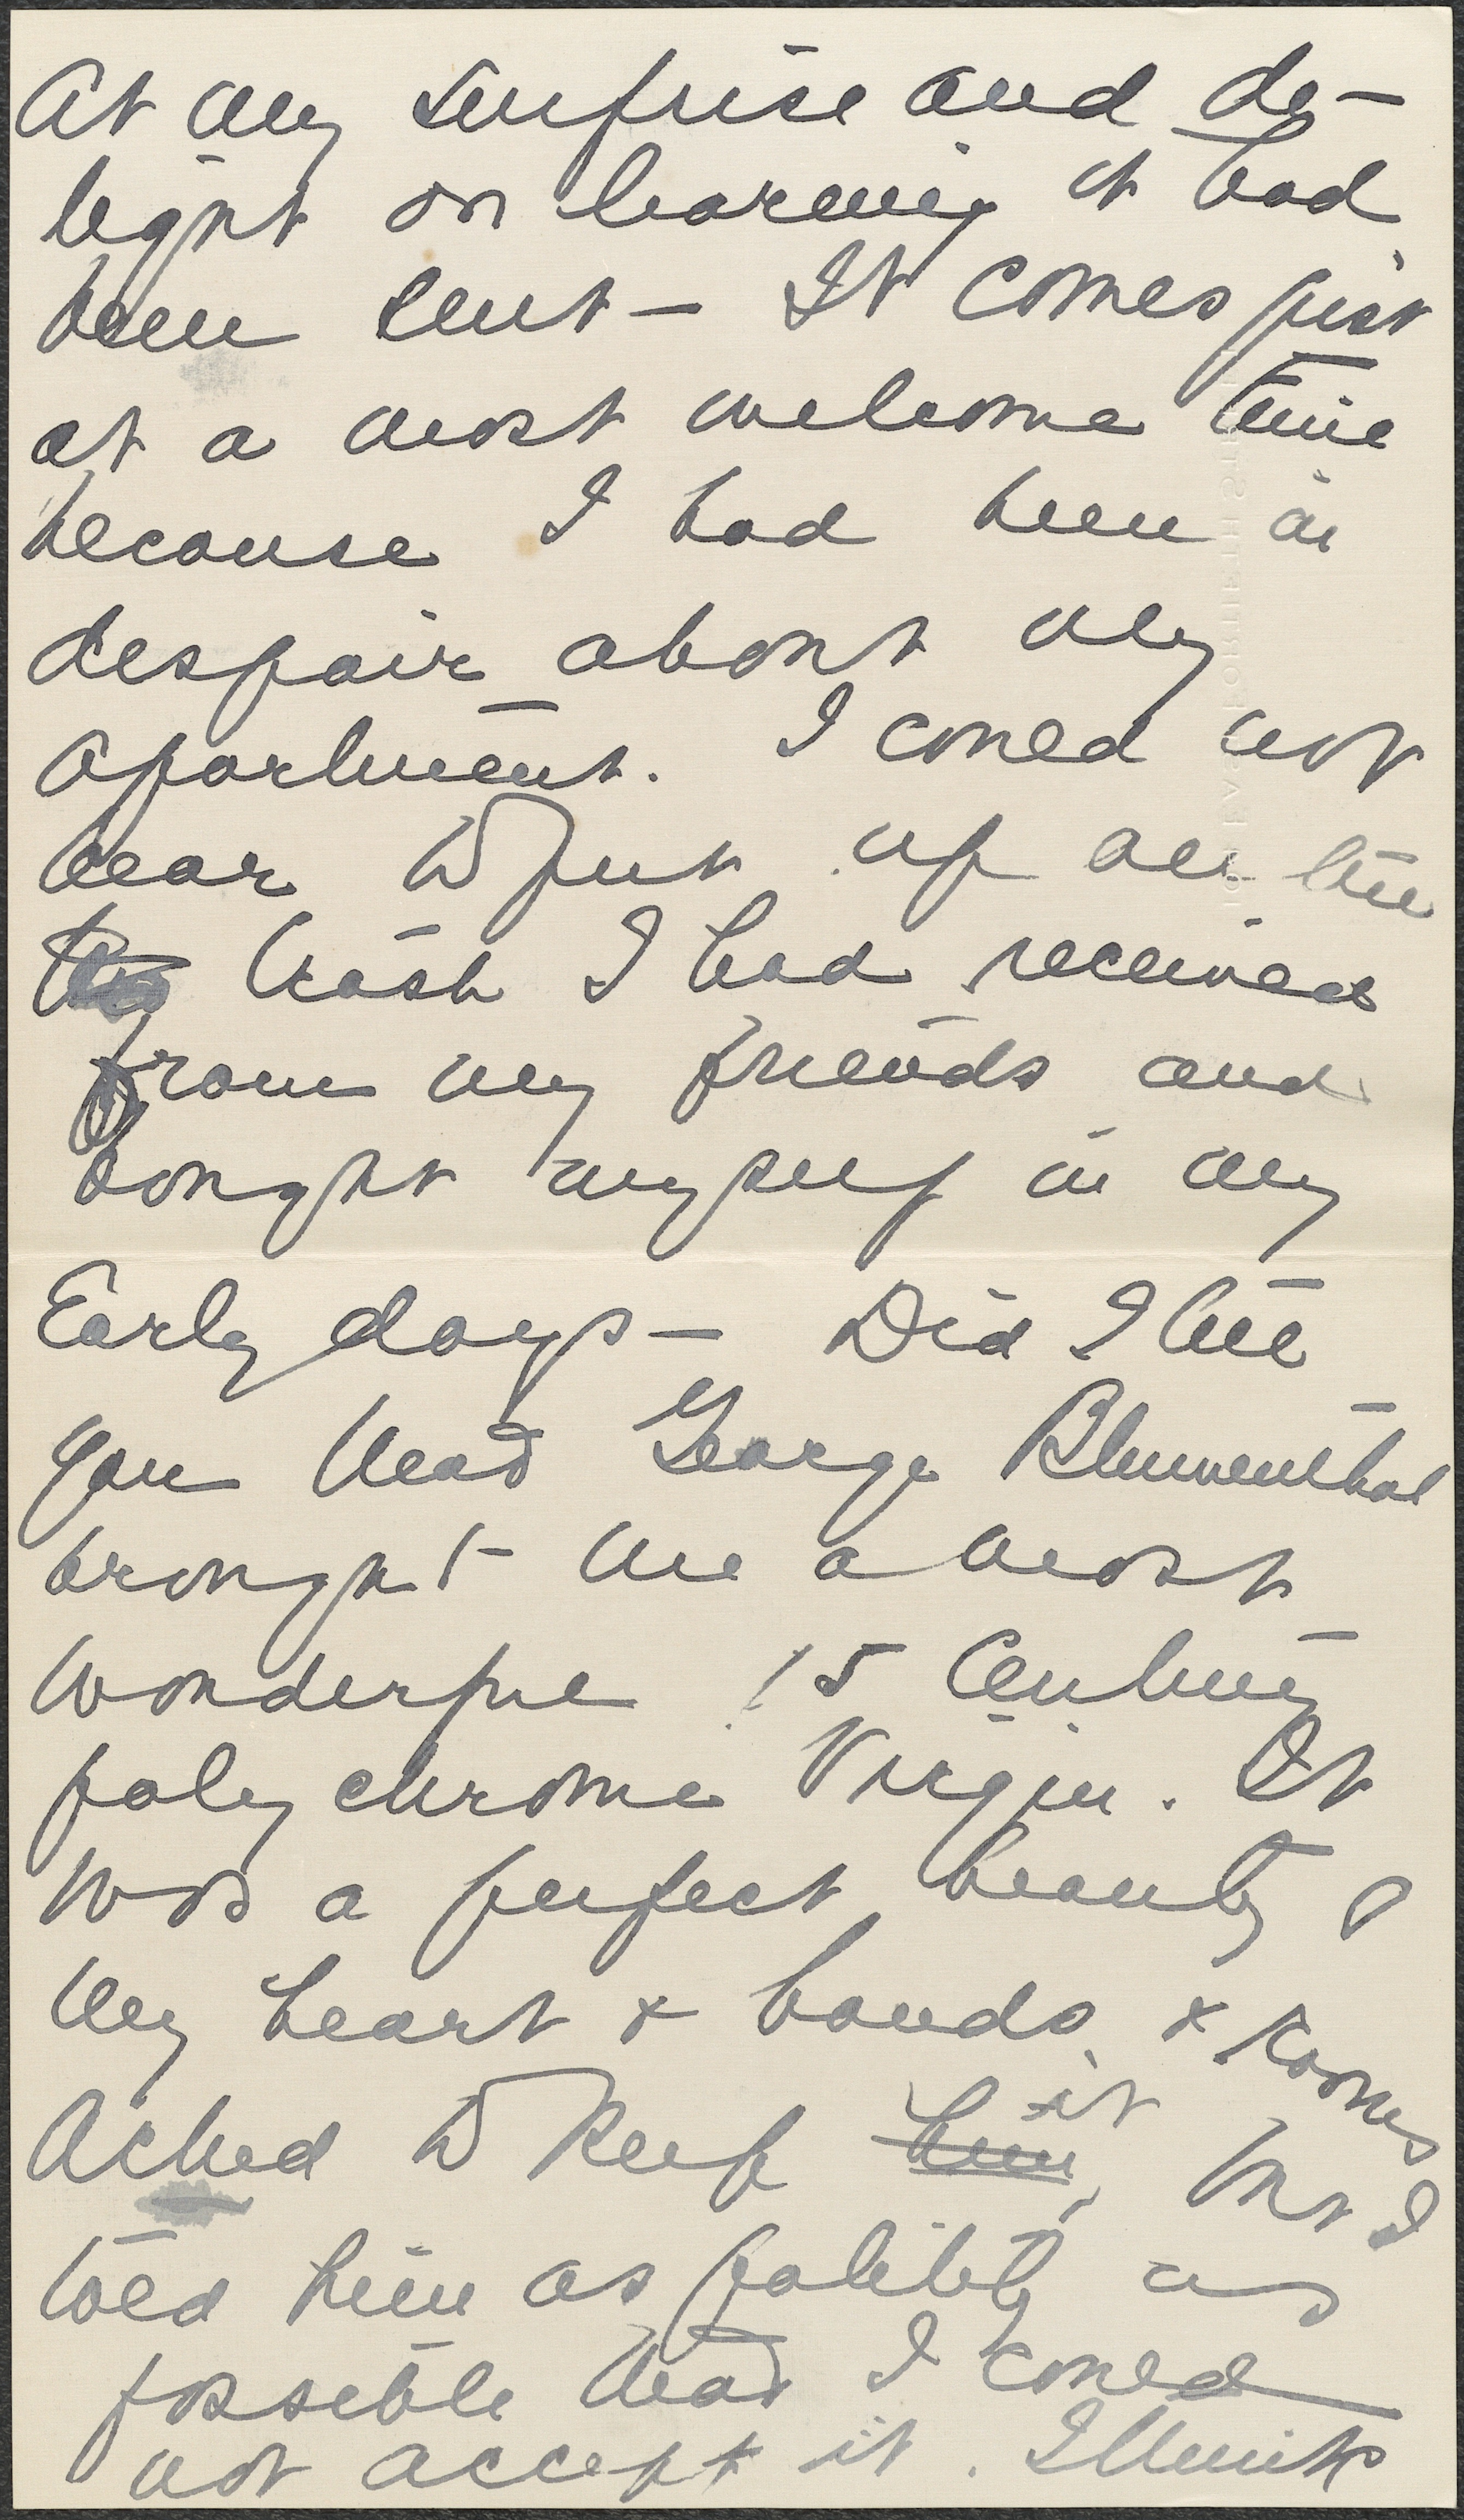at my surprise and delight on learning it had been sent – It comes just at a most welcome time because I had been in despair about my apartment. I could not bear to put up all the [illegible deletion] trash I had received from my friends and bought myself in my early days – Did I tell you that George Blumenthal brought me a most wonderful 15 century polychrome Virgin. It was a perfect beauty & my heart & hands & rooms ached to keep him it, but I told him as politely as possible that I could not accept it. I think